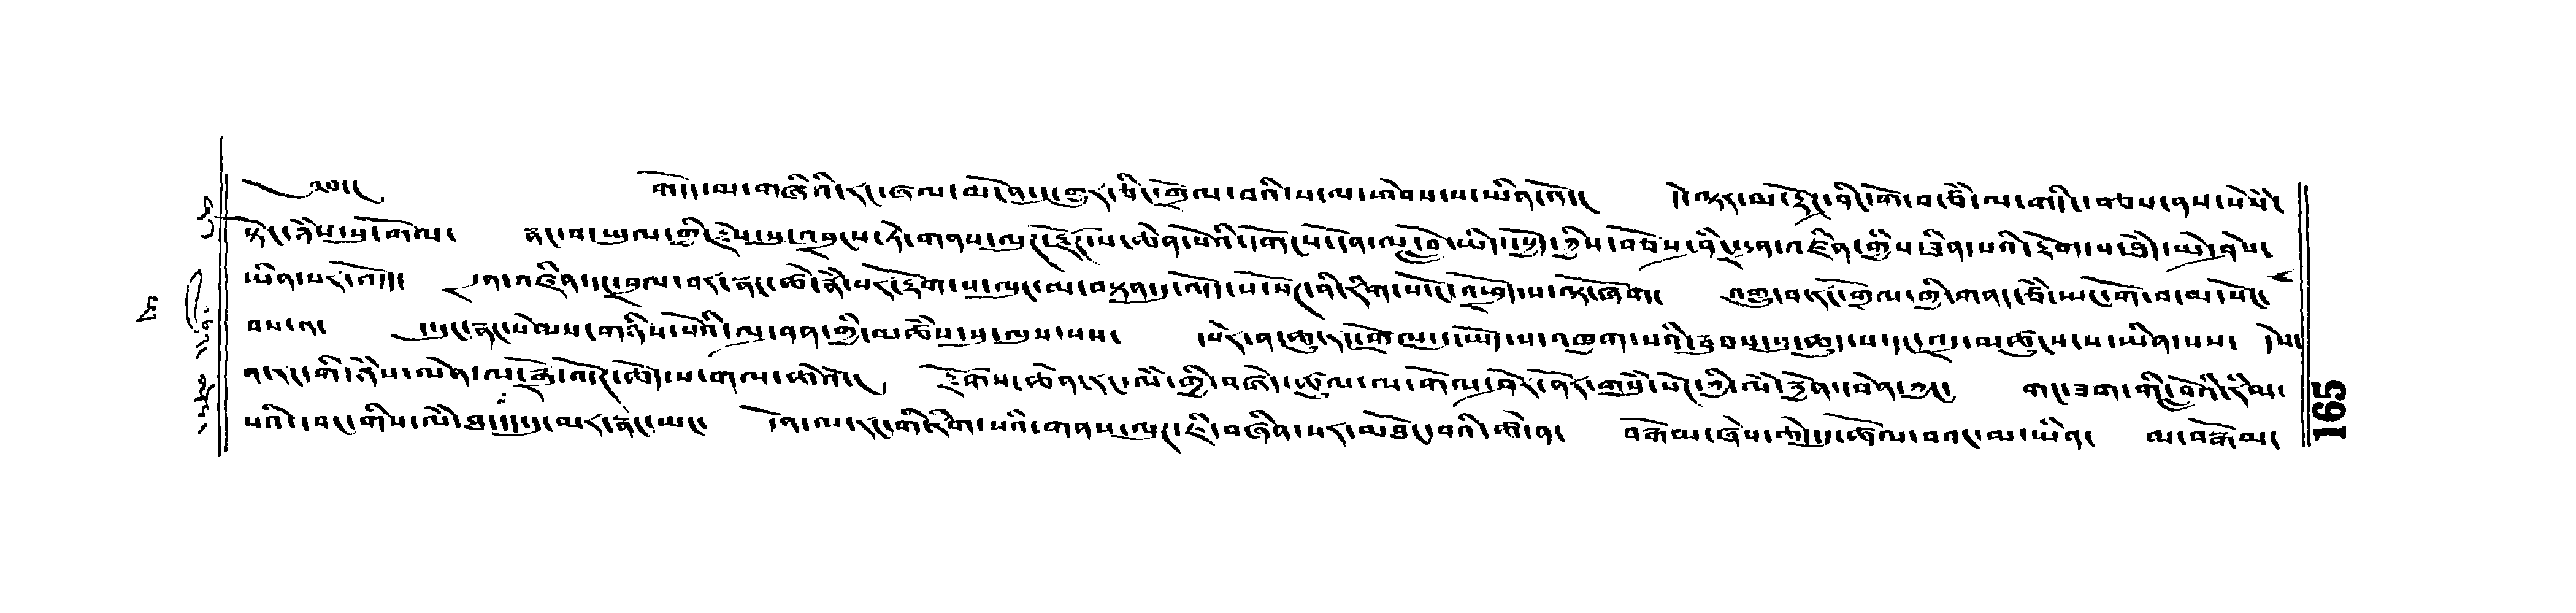གདོད་མ་གཞིའི་རང་ཞལ་མངོན་དུ་གྱུར་ཅིང་གྲོལ་བའི་ས་ལ་ཕེབས་པ་ཡིན་ནོ། དེ་ལྟར་མ་རྟོགས་ཤིང་གོ་བ་ཙམ་ལ་གདིང་བཅས་ནས་སེམས་
སྟོང་ཉམས་སུ་གོལ། སྣང་བ་ཡུལ་གྱིས་རྗེས་སུ་འབྲངས་ཏེ་གནས་ལུགས་རྫོགས་པ་ཆེན་པོའི་དགོངས་དོན་ལ་བློ་ཡིད་དཔྱོད་ཀྱིས་བཅོས་ཤིང་དྲན་འཛིན་གྱིས་ཟིན་པའི་རྟོག་པ་ཐམས་ཅད་ཡེ་ཤེས་
ཡིན་པར་འདོད། དྲན་འཛིན་དང་བྲལ་བར་སྣང་ཚེ་རྣམ་པར་རྟོག་པ་ལུང་མ་བསྟན་དུ་འདོད་པ་སོགས་ནི་རིག་པ་ངོ་འཕྲོད་པ་ལྟ་ཞོག འགྱུ་བ་རང་གྲོལ་གྱིས་གནད་ཙམ་ཡང་གོ་བ་མ་སོང་
བས་ན། ད་དུང་སྣང་སེམས་གཉིས་པོའི་ལ་ཤན་གྱི་མཚམས་སུ་ལུས་པས། དཔེར་ན་ཆུ་རང་གྲོལ་དུ་ཡོད་པ་འཁྱག་པའི་སྦུབས་སུ་ཆུད་པ་དང་འདྲ་མཚུངས་པ་ཡིན་པས། དེས་
ན་རང་གི་ཉམས་ལེན་ལ་སྒྲོ་འདོགས་ཆོད་པ་གལ་ཆེའོ། རྫོགས་ཆེན་རང་ལམ་གྱི་བཞེད་ཚུལ་ལ་གོལ་ཤོར་ནོར་གསུམ་སོགས་ཀྱི་ལམ་སྐྱོན་དབེན་ཀྱང་། གང་ཟག་གི་བློའི་རིམ་
པའི་དབང་གིས་ལམ་ཐ་དད་དུ་མར་སྣང་ཡང་། དོན་ལ་རང་གི་རིག་པའི་གནས་ལུགས་ཇི་བཞིན་པར་མཐོང་བའི་ཚེ་ན། བསྒོམ་ཞེས་ཆེད་དུ་ཚོལ་བའང་མ་ཡིན། མ་བསྒོམ་